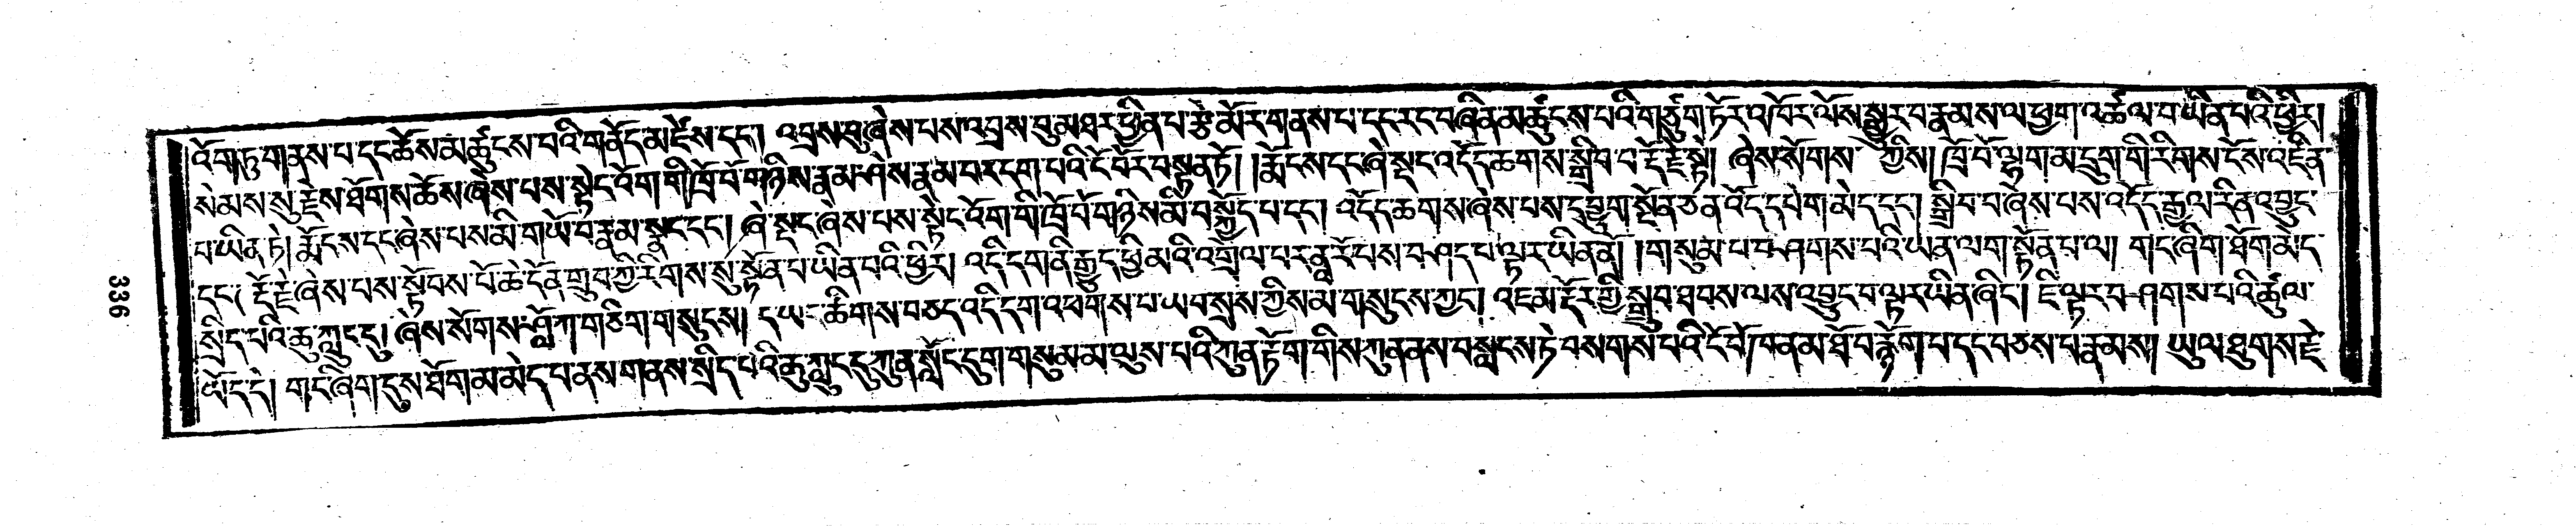འོག་ཏུ་གནས་བ་དང་ཆོས་མཚུངས་པའི་གནོད་མཛེས་དང་། འབྲས་བུ་ཞེས་པས་འབྲས་བུ་མཐར་ཕྱིན་པ་རྩེ་མོར་གནས་པ་དང་རང་བཞིན་མཚུངས་པའི་གཙུག་ཏོར་འཁོར་ལོས་སྒྱུར་བ་རྣམས་ལ་ཕྱག་འཚལ་བ་ཡིན་པའི་ཕྱིར།
སེམས་སུ་རྗེས་ཐོགས་ཆོས་ཞེས་པས་སྟེང་འོག་གི་ཁྲོ་བོ་གཉིས་རྣམ་ཤེས་རྣམ་པར་དག་པའི་ངོ་བོར་བསྟན་ཏོ། །རྨོངས་དང་ཞེ་སྡང་འདོད་ཆགས་སྒྲིབ་པ་རྡོ་རྗེ་སྟེ། ཞེས་སོགས་ཀྱིས། ཁྲོ་བོ་ལྷག་མ་དྲུག་གི་རིགས་ངོས་འཛིན་
པ་ཡིན་ཏེ། རྨོངས་དང་ཞེས་པས་མི་གཡོ་བ་རྣམ་སྣང་དང་། ཞེ་སྡང་ཞེས་པས་སྟེང་འོག་གི་ཁྲོ་བོ་གཉིས་མི་བསྐྱོད་པ་དང་། འདོད་ཆགས་ཞེས་པས་དབྱུག་སྔོན་ཅན་འོད་དཔག་མེད་དང་། སྒྲིབ་པ་ཞེས་པས་འདོད་རྒྱལ་རིན་འབྱུང་
དང༑ རྡོ་རྗེ་ཞེས་པས་སྟོབས་པོ་ཆེ་དོན་གྲུབ་ཀྱི་རིགས་སུ་སྟོན་པ་ཡིན་པའི་ཕྱིར། འདི་དག་ནི་རྒྱུད་ཕྱི་མའི་འགྲེལ་པར་ནཱ་རོ་པས་བཤད་པ་ལྟར་ཡིན་ནོ། །གསུམ་པ་བཤགས་པའི་ཡན་ལག་སྟོན་པ་ལ། གང་ཞིག་ཐོག་མེད་
སྲིད་པའི་ཆུ་ཀླུང་དུ། ཞེས་སོགས་ཤློ་ཀ་གཅིག་གསུངས། དེ་ཡང་ཚིགས་བཅད་འདི་དག་འཕགས་པ་ཡབ་སྲས་ཀྱིས་མ་གསུངས་ཀྱང་། འཇམ་རྡོར་གྱི་སྒྲུབ་ཐབས་ལས་འབྱུང་བ་ལྟར་ཡིན་ཞིང་། ཇི་ལྟར་བཤགས་པའི་ཚུལ་
ཡོད་དེ། གང་ཞིག་དུས་ཐོག་མ་མེད་པ་ནས་གནས་སྲིད་པའི་ཆུ་ཀླུང་དུ་ཀུན་སློང་དུག་གསུམ་མ་ལུས་པའི་ཀུན་རྟོག་གིས་ཀུན་ནས་བསླངས་ཏེ་བསགས་པའི་ངོ་བོ་ཁོ་ན་མ་ཐོ་བ་རྙོག་པ་དང་བཅས་པ་རྣམས། ཡུལ་ཐུགས་རྗེ་